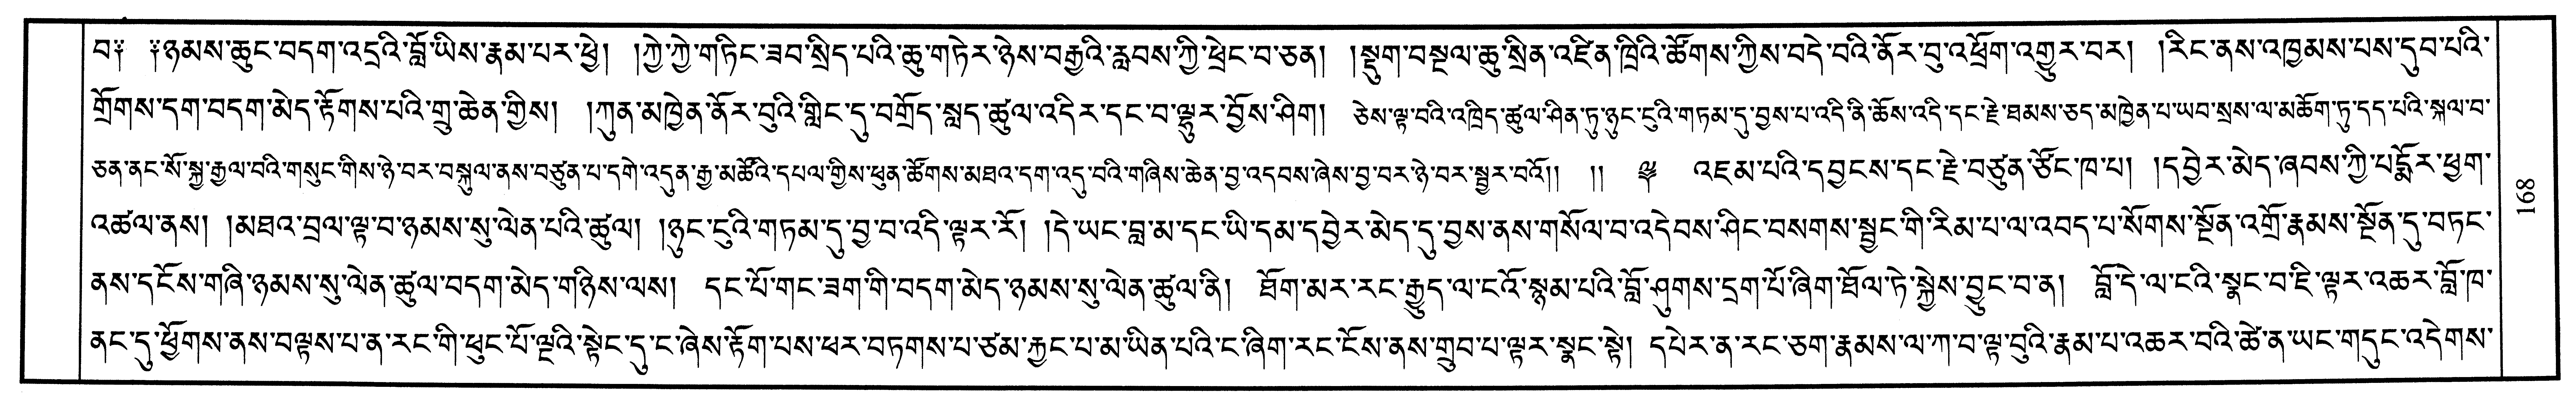བ༑ ༑ཉམས་ཆུང་བདག་འདྲའི་བློ་ཡིས་རྣམ་པར་ཕྱེ། །ཀྱེ་ཀྱེ་གཏིང་ཟབ་སྲིད་པའི་ཆུ་གཏེར་ཉེས་བརྒྱའི་རླབས་ཀྱི་ཕྲེང་བ་ཅན། །སྡུག་བསྔལ་ཆུ་སྲིན་འཛིན་ཁྲིའི་ཚོགས་ཀྱིས་བདེ་བའི་ནོར་བུ་འཕྲོག་འགྱུར་བར། །རིང་ནས་འཁྱམས་པས་དུབ་པའི་
གྲོགས་དག་བདག་མེད་རྟོགས་པའི་གྲུ་ཆེན་གྱིས། །ཀུན་མཁྱེན་ནོར་བུའི་གླིང་དུ་བགྲོད་སླད་ཚུལ་འདིར་དང་བ་ལྷུར་བྱོས་ཤིག། ཅེས་ལྟ་བའི་འཁྲིད་ཚུལ་ཤིན་ཏུ་ཉུང་ངུའི་གཏམ་དུ་བྱས་པ་འདི་ནི་ཆོས་འདི་དང་རྗེ་ཐམས་ཅད་མཁྱེན་པ་ཡབ་སྲས་ལ་མཆོག་ཏུ་དད་པའི་སྐལ་བ་
ཅན་ནང་སོ་སྐྱ་རྒྱལ་བའི་གསུང་གིས་ཉེ་བར་བསྐུལ་ནས་བཙུན་པ་དགེ་འདུན་རྒྱ་མཚོའི་དཔལ་གྱིས་ཕུན་ཚོགས་མཐའ་དག་འདུ་བའི་གཞིས་ཆེན་བྱ་འདབས་ཞེས་བྱ་བར་ཉེ་བར་སྦྱར་བའོ།། །། ༈ འཇམ་པའི་དབྱངས་དང་རྗེ་བཙུན་ཙོང་ཁ་པ། །དབྱེར་མེད་ཞབས་ཀྱི་པདམོར་ཕྱག་
འཚལ་ནས། །མཐའ་བྲལ་ལྟ་བ་ཉམས་སུ་ལེན་པའི་ཚུལ། །ཉུང་ངུའི་གཏམ་དུ་བྱ་བ་འདི་ལྟར་རོ། །དེ་ཡང་བླ་མ་དང་ཡི་དམ་དབྱེར་མེད་དུ་བྱས་ནས་གསོལ་བ་འདེབས་ཤིང་བསགས་སྦྱང་གི་རིམ་པ་ལ་འབད་པ་སོགས་སྔོན་འགྲོ་རྣམས་སྔོན་དུ་བཏང་
ནས་དངོས་གཞི་ཉམས་སུ་ལེན་ཚུལ་བདག་མེད་གཉིས་ལས། དང་པོ་གང་ཟག་གི་བདག་མེད་ཉམས་སུ་ལེན་ཚུལ་ནི། ཐོག་མར་རང་རྒྱུད་ལ་ངའོ་སྙམ་པའི་བློ་ཤུགས་དྲག་པོ་ཞིག་ཐོལ་ཏེ་སྐྱེས་བྱུང་བ་ན། བློ་དེ་ལ་ངའི་སྣང་བ་ཇི་ལྟར་འཆར་བློ་ཁ་
ནང་དུ་ཕྱོགས་ནས་བལྟས་པ་ན་རང་གི་ཕུང་པོ་ལྔའི་སྟེང་དུ་ང་ཞེས་རྟོག་པས་ཕར་བཏགས་པ་ཙམ་རྐྱང་པ་མ་ཡིན་པའི་ང་ཞིག་རང་ངོས་ནས་གྲུབ་པ་ལྟར་སྣང་སྟེ། དཔེར་ན་རང་ཅག་རྣམས་ལ་ཀ་བ་ལྟ་བུའི་རྣམ་པར་འཆར་བའི་ཚེ་ན་ཡང་གདུང་འདེགས་